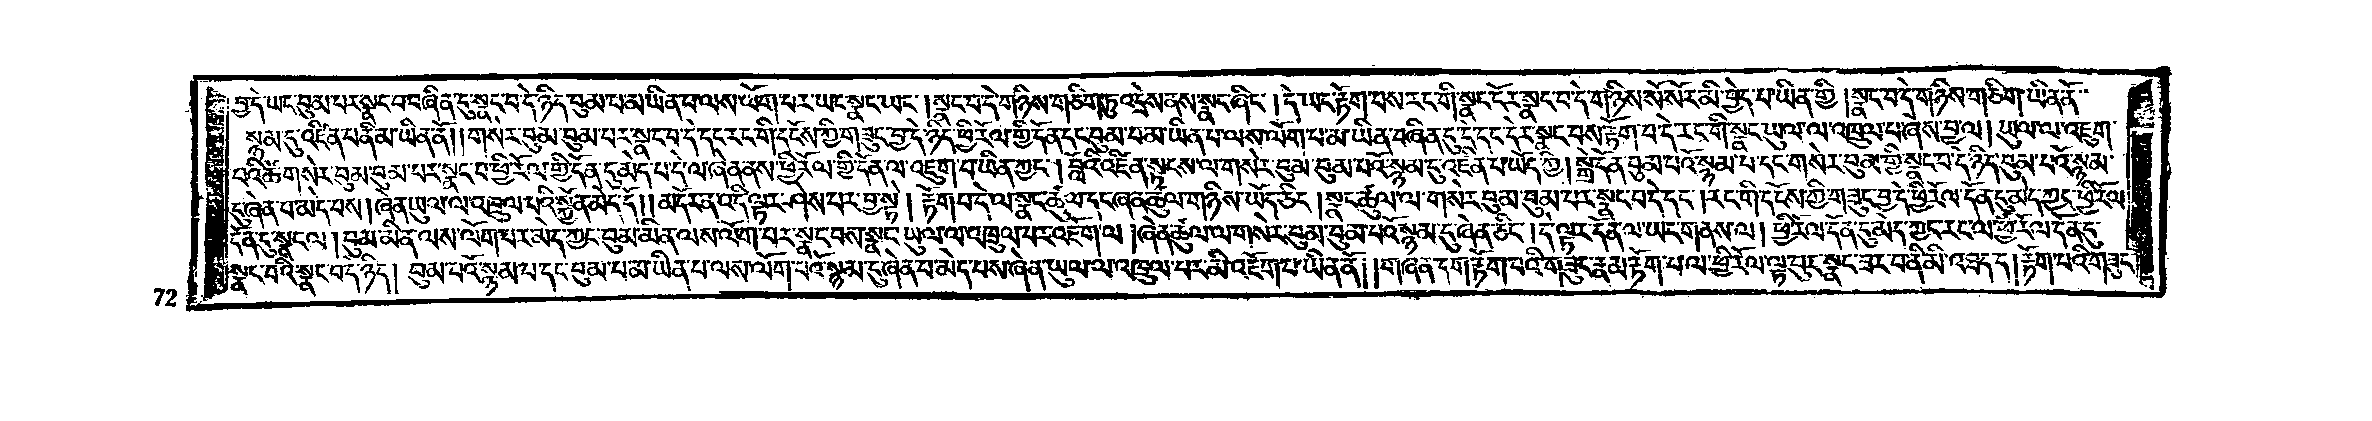བྱེ་དེ་ཡང་བུམ་པར་སྣང་བ་བཞིན་དུ་སྣང་བ་དེ་ཉིད་བུམ་པ་མ་ཡིན་པ་ལས་ལོག་པར་ཡང་སྣང་ཡང་།སྣང་བ་དེ་གཉིས་གཅིག་ཏུ་འདྲེས་ནས་སྣང་ཞིང་།དེ་ཡང་རྟོག་པས་རང་གི་སྣང་ངོར་སྣང་བ་དེ་གཉིས་སོ་སོར་མི་བྱེད་པ་ཡིན་གྱི། སྣང་བ་དེ་གཉིས་གཅིག་ཡིན་ནོ་
སྙམ་དུ་འཛིན་པ་ནི་མ་ཡིན་ནོ། །གསེར་བུམ་བུམ་པར་སྣང་བ་དེ་དང་རང་གི་དངོས་ཀྱི་གཟུང་བྱ་དེ་ཉིད་ཕྱི་རོལ་གྱི་དོན་དང་བུམ་པ་མ་ཡིན་པ་ལས་ལོག་པ་མ་ཡིན་བཞིན་དུ་དྲེ་དང་དེར་སྣང་བས་རྟོག་པ་དེ་རང་གི་སྣང་ཡུལ་ལ་འཁྲུལ་པ་ཞེས་བྱ་ལ། ཡུལ་ལ་འཇུག་
པའི་ཚེ་གསེར་བུམ་བུམ་པར་སྣང་བ་ཕྱི་རོལ་གྱི་དོན་དུ་མེད་པ་དེ་ལ་ཞེན་ནས་ཕྱི་རོལ་གྱི་དོན་ལ་འཇུག་པ་ཡིན་ཀྱང་། བློའི་འཛིན་སྟངས་ལ་གསེར་བུམ་བུམ་པའོ་སྙམ་དུ་འཛིན་པ་ཡོད་ཀྱི། སྒྲ་དོན་བུམ་པའོ་སྙམ་པ་དང་གསེར་བུམ་གྱི་སྣང་བ་དེ་ཉིད་བུམ་པའོ་སྙམ་
དུ་ཞེན་པ་མེད་པས། ཞེན་ཡུལ་ལ་འཁྲུལ་པའི་སྐྱོན་མེད་དོ། །མདོར་ན་འདི་ལྟར་ཤེས་པར་བྱ་སྟེ། རྟོག་པ་དེ་ལ་སྣང་ཚུལ་དང་ཞན་ཚུལ་གཉིས་ཡོད་ཅིང་།སྣང་ཚུལ་ལ་གསེར་བུམ་བུམ་པར་སྣང་བ་དེ་དང་།རང་གི་དངོས་ཀྱི་གཟུང་བྱ་དེ་ཕྱི་རོལ་དོན་དུ་མེད་ཀྱང་ཕྱི་རོལ་
དོན་དུ་སྣང་ལ། བུམ་མིན་ལས་ལོག་པར་མེད་ཀྱང་བུམ་མིན་ལས་ལོག་པར་སྣང་བས་སྣང་ཡུལ་ལ་འཁྲུལ་པར་འཇོག་ལ། ཞེན་ཚུལ་ལ་གསེར་བུམ་བུམ་པའོ་སྙམ་དུ་ཞེན་ཅིང་། དེ་ལྟར་དོན་ལ་ཡང་གནས་ལ། ཕྱི་རོལ་དོན་དུ་མེད་ཀྱང་རང་ལ་ཕྱི་རོལ་དོན་དུ་
སྣང་བའི་སྣང་བ་དེ་ཉིད། བུམ་པའོ་སྙམ་པ་དང་བུམ་པ་མ་ཡིན་པ་ལས་ལོག་པའོ་སྙམ་དུ་ཞེན་པ་མེད་པས་ཞེན་ཡུལ་ལ་འཁྲུལ་པར་མི་འཇོག་པ་ཡིན་ནོ། །གཞན་དག་རྟོག་པའི་གཟུང་རྣམ་རྟོག་པ་ལ་ཕྱི་རོལ་ལྟ་བུར་སྣང་ཟར་བ་ནི་མི་འཐད་དོ། །རྟོག་པའི་གཟུང་